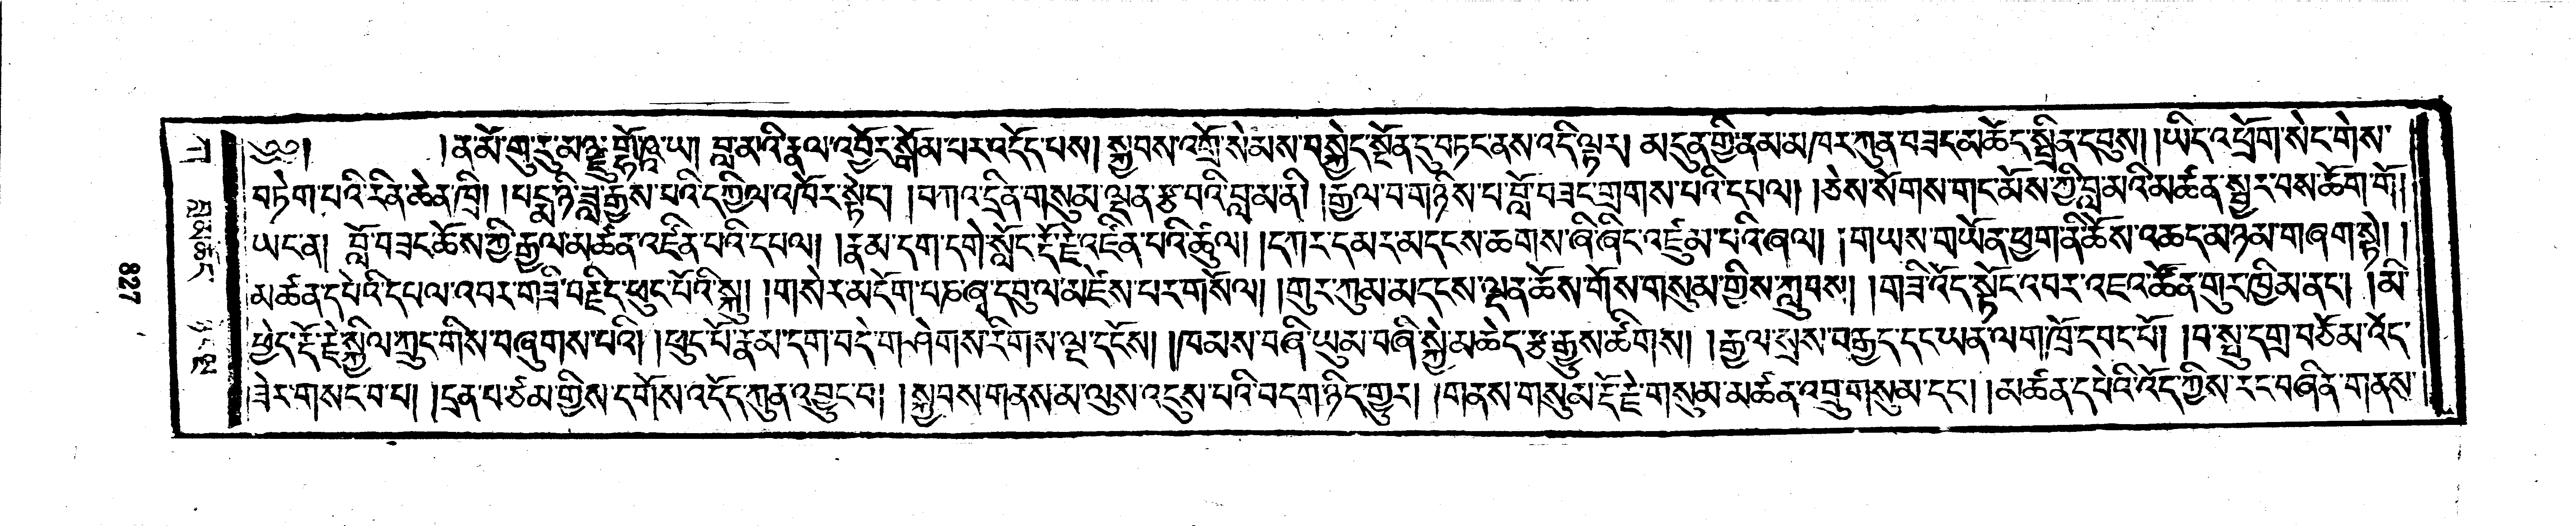༄༅། །ན་མོ་གུ་རུ་མཉྫུ་གྷོ་ཥཱ་ཡ། བླ་མའི་རྣལ་འབྱོར་སྒོམ་པར་འདོད་པས། སྐྱབས་འགྲོ་སེམས་བསྐྱེད་སྔོན་དུ་བཏང་ནས་འདི་ལྟར། མདུན་གྱི་ནམ་མཁར་ཀུན་བཟང་མཆོད་སྤྲིན་དབུས། །ཡིད་འཕྲོག་སེང་གེས་
བཏེག་པའི་རིན་ཆེན་ཁྲི། །པདམ་ཉི་ཟླ་རྒྱས་པའི་དཀྱིལ་འཁོར་སྟེང་། །བཀའ་དྲིན་གསུམ་ལྡན་རྩ་བའི་བླ་མ་ནི། །རྒྱལ་བ་གཉིས་པ་བློ་བཟང་གྲགས་པའི་དཔལ། །ཅེས་སོགས་གང་མོས་ཀྱི་བླ་མའི་མཚན་སྦྱར་བས་ཆོག་གོ །
ཡང་ན། བློ་བཟང་ཆོས་ཀྱི་རྒྱལ་མཚན་འཛིན་པའི་དཔལ། །རྣམ་དག་དགེ་སློང་རྡོ་རྗེ་འཛིན་པའི་ཚུལ། །དཀར་དམར་མདངས་ཆགས་ཞི་ཞིང་འཛུམ་པའི་ཞལ། །གཡས་གཡོན་ཕྱག་ནི་ཆོས་འཆད་མཉམ་གཞག་སྟེ། །
མཚན་དཔེའི་དཔལ་འབར་གཟི་བརྗིད་ཕུང་པོའི་སྐུ། །གསེར་མདོག་པཎ་ཞྭ་དབུ་ལ་མཛེས་པར་གསོལ། །གུར་ཀུམ་མདངས་ལྡན་ཆོས་གོས་གསུམ་གྱིས་ཀླུབས། །གཟི་འོད་སྟོང་འབར་འཇའ་ཚོན་གུར་ཁྱིམ་ནང་། །མི་
ཕྱེད་རྡོ་རྗེ་སྐྱིལ་ཀྲུང་གིས་བཞུགས་པའི། །ཕུང་པོ་རྣམ་དག་བདེ་གཤེགས་རིགས་ལྔ་དངོས། །ཁམས་བཞི་ཡུམ་བཞི་སྐྱེ་མཆེད་རྩ་རྒྱུས་ཚིགས། །རྒྱལ་སྲས་བརྒྱད་དང་ཡན་ལག་ཁྲོ་དབང་པོ། །བ་སྤུ་དགྲ་བཅོམ་འོད་
ཟེར་གསང་བ་པ། །དྲན་པ་ཙམ་གྱིས་དགོས་འདོད་ཀུན་འབྱུང་བ། །སྐྱབས་གནས་མ་ལུས་འདུས་པའི་བདག་ཉིད་གྱུར། །གནས་གསུམ་རྡོ་རྗེ་གསུམ་མཚན་འབྲུ་གསུམ་དང་། །མཚན་དཔེའི་འོད་ཀྱིས་རང་བཞིན་གནས་